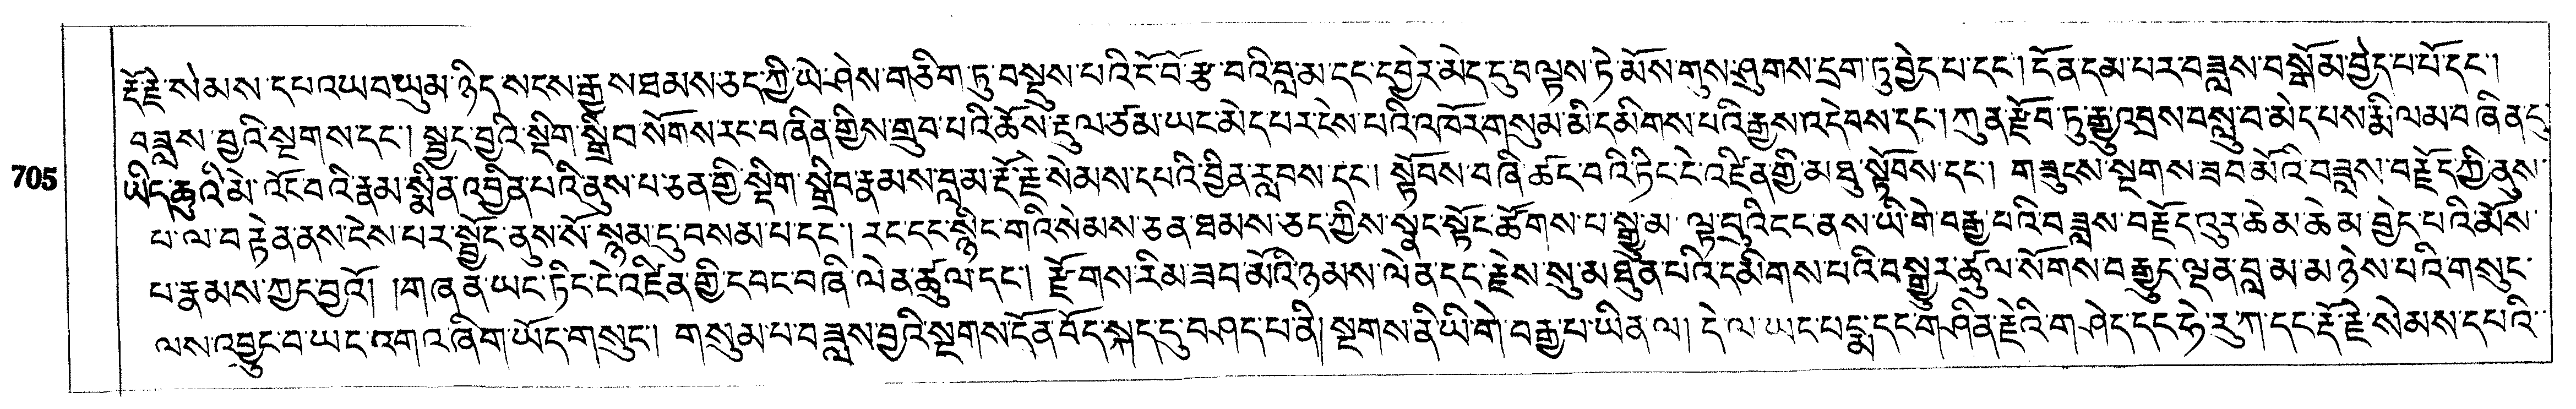རྡོ་རྗེ་སེམས་དཔའ་ཡབ་ཡུམ་ཉིད་སངས་རྒྱས་ཐམས་ཅད་ཀྱི་ཡེ་ཤེས་གཅིག་ཏུ་བསྡུས་པའི་ངོ་བོ་རྩ་བའི་བླ་མ་དང་དབྱེར་མེད་དུ་བལྟས་ཏེ་མོས་གུས་ཤུགས་དྲག་ཏུ་བྱེད་པ་དང་། དོན་དམ་པར་བཟླས་བསྒོམ་བྱེད་པ་པོ་དང་།
བཟླས་བྱའི་སྔགས་དང་། སྦྱང་བྱའི་སྡིག་སྒྲིབ་སོགས་རང་བཞིན་གྱིས་གྲུབ་པའི་ཆོས་རྡུལ་ཙམ་ཡང་མེད་པར་ངེས་པའི་འཁོར་གསུམ་མི་དམིགས་པའི་རྒྱས་འདེབས་དང་། ཀུན་རྫོབ་ཏུ་རྒྱུ་འབྲས་བསླུ་བ་མེད་པས་རྨི་ལམ་བཞིན་དུ་
ཡིད་ཆུའི་མེ་འོང་བའི་རྣམ་སྨིན་འབྱིན་པའི་ནུས་པ་ཅན་གྱི་སྡིག་སྒྲིབ་རྣམས་བླ་མ་རྡོ་རྗེ་སེམས་དཔའི་བྱིན་རླབས་དང་། སྟོབས་བཞི་ཚང་བའི་ཏིང་ངེ་འཛིན་གྱི་མཐུ་སྟོབས་དང་། གཟུངས་སྔགས་ཟབ་མོའི་བཟླས་བརྗོད་ཀྱི་ནུས་
པ་ལ་བརྟེན་ནས་ངེས་པར་སྦྱོང་ནུས་སོ་སྙམ་དུ་བསམ་པ་དང་། རང་དང་སྙིང་གའི་སེམས་ཅན་ཐམས་ཅད་ཀྱིས་སྣང་སྟོང་ཚོགས་པ་སྒྱུ་མ་ལྟ་བུའི་ངང་ནས་ཡི་གེ་བརྒྱ་པའི་བཟླས་བརྗོད་འུར་ཆེམ་ཆེམ་བྱེད་པའི་མོས་
པ་རྣམས་ཀྱང་བྱའོ། །གཞན་ཡང་ཏིང་ངེ་འཛིན་གྱི་དབང་བཞི་ལེན་ཚུལ་དང་། རྫོགས་རིམ་ཟབ་མོའི་ཉམས་ལེན་དང་རྗེས་སུ་མཐུན་པའི་དམིགས་པའི་བསྒྱུར་ཚུལ་སོགས་བརྒྱུད་ལྡན་བླ་མ་མཉེས་པའི་གསུང་
ལས་འབྱུང་བ་ཡང་འགའ་ཞིག་ཡོད་གསུང་། གསུམ་པ་བཟླས་བྱའི་སྔགས་དོན་བོད་སྐད་དུ་བཤད་པ་ནི། སྔགས་ནི་ཡི་གེ་བརྒྱ་པ་ཡིན་ལ། དེ་ལ་ཡང་པདམ་དང་གཤིན་རྗེའི་གཤེད་དང་ཧེ་རུ་ཀ་དང་རྡོ་རྗེ་སེམས་དཔའི་